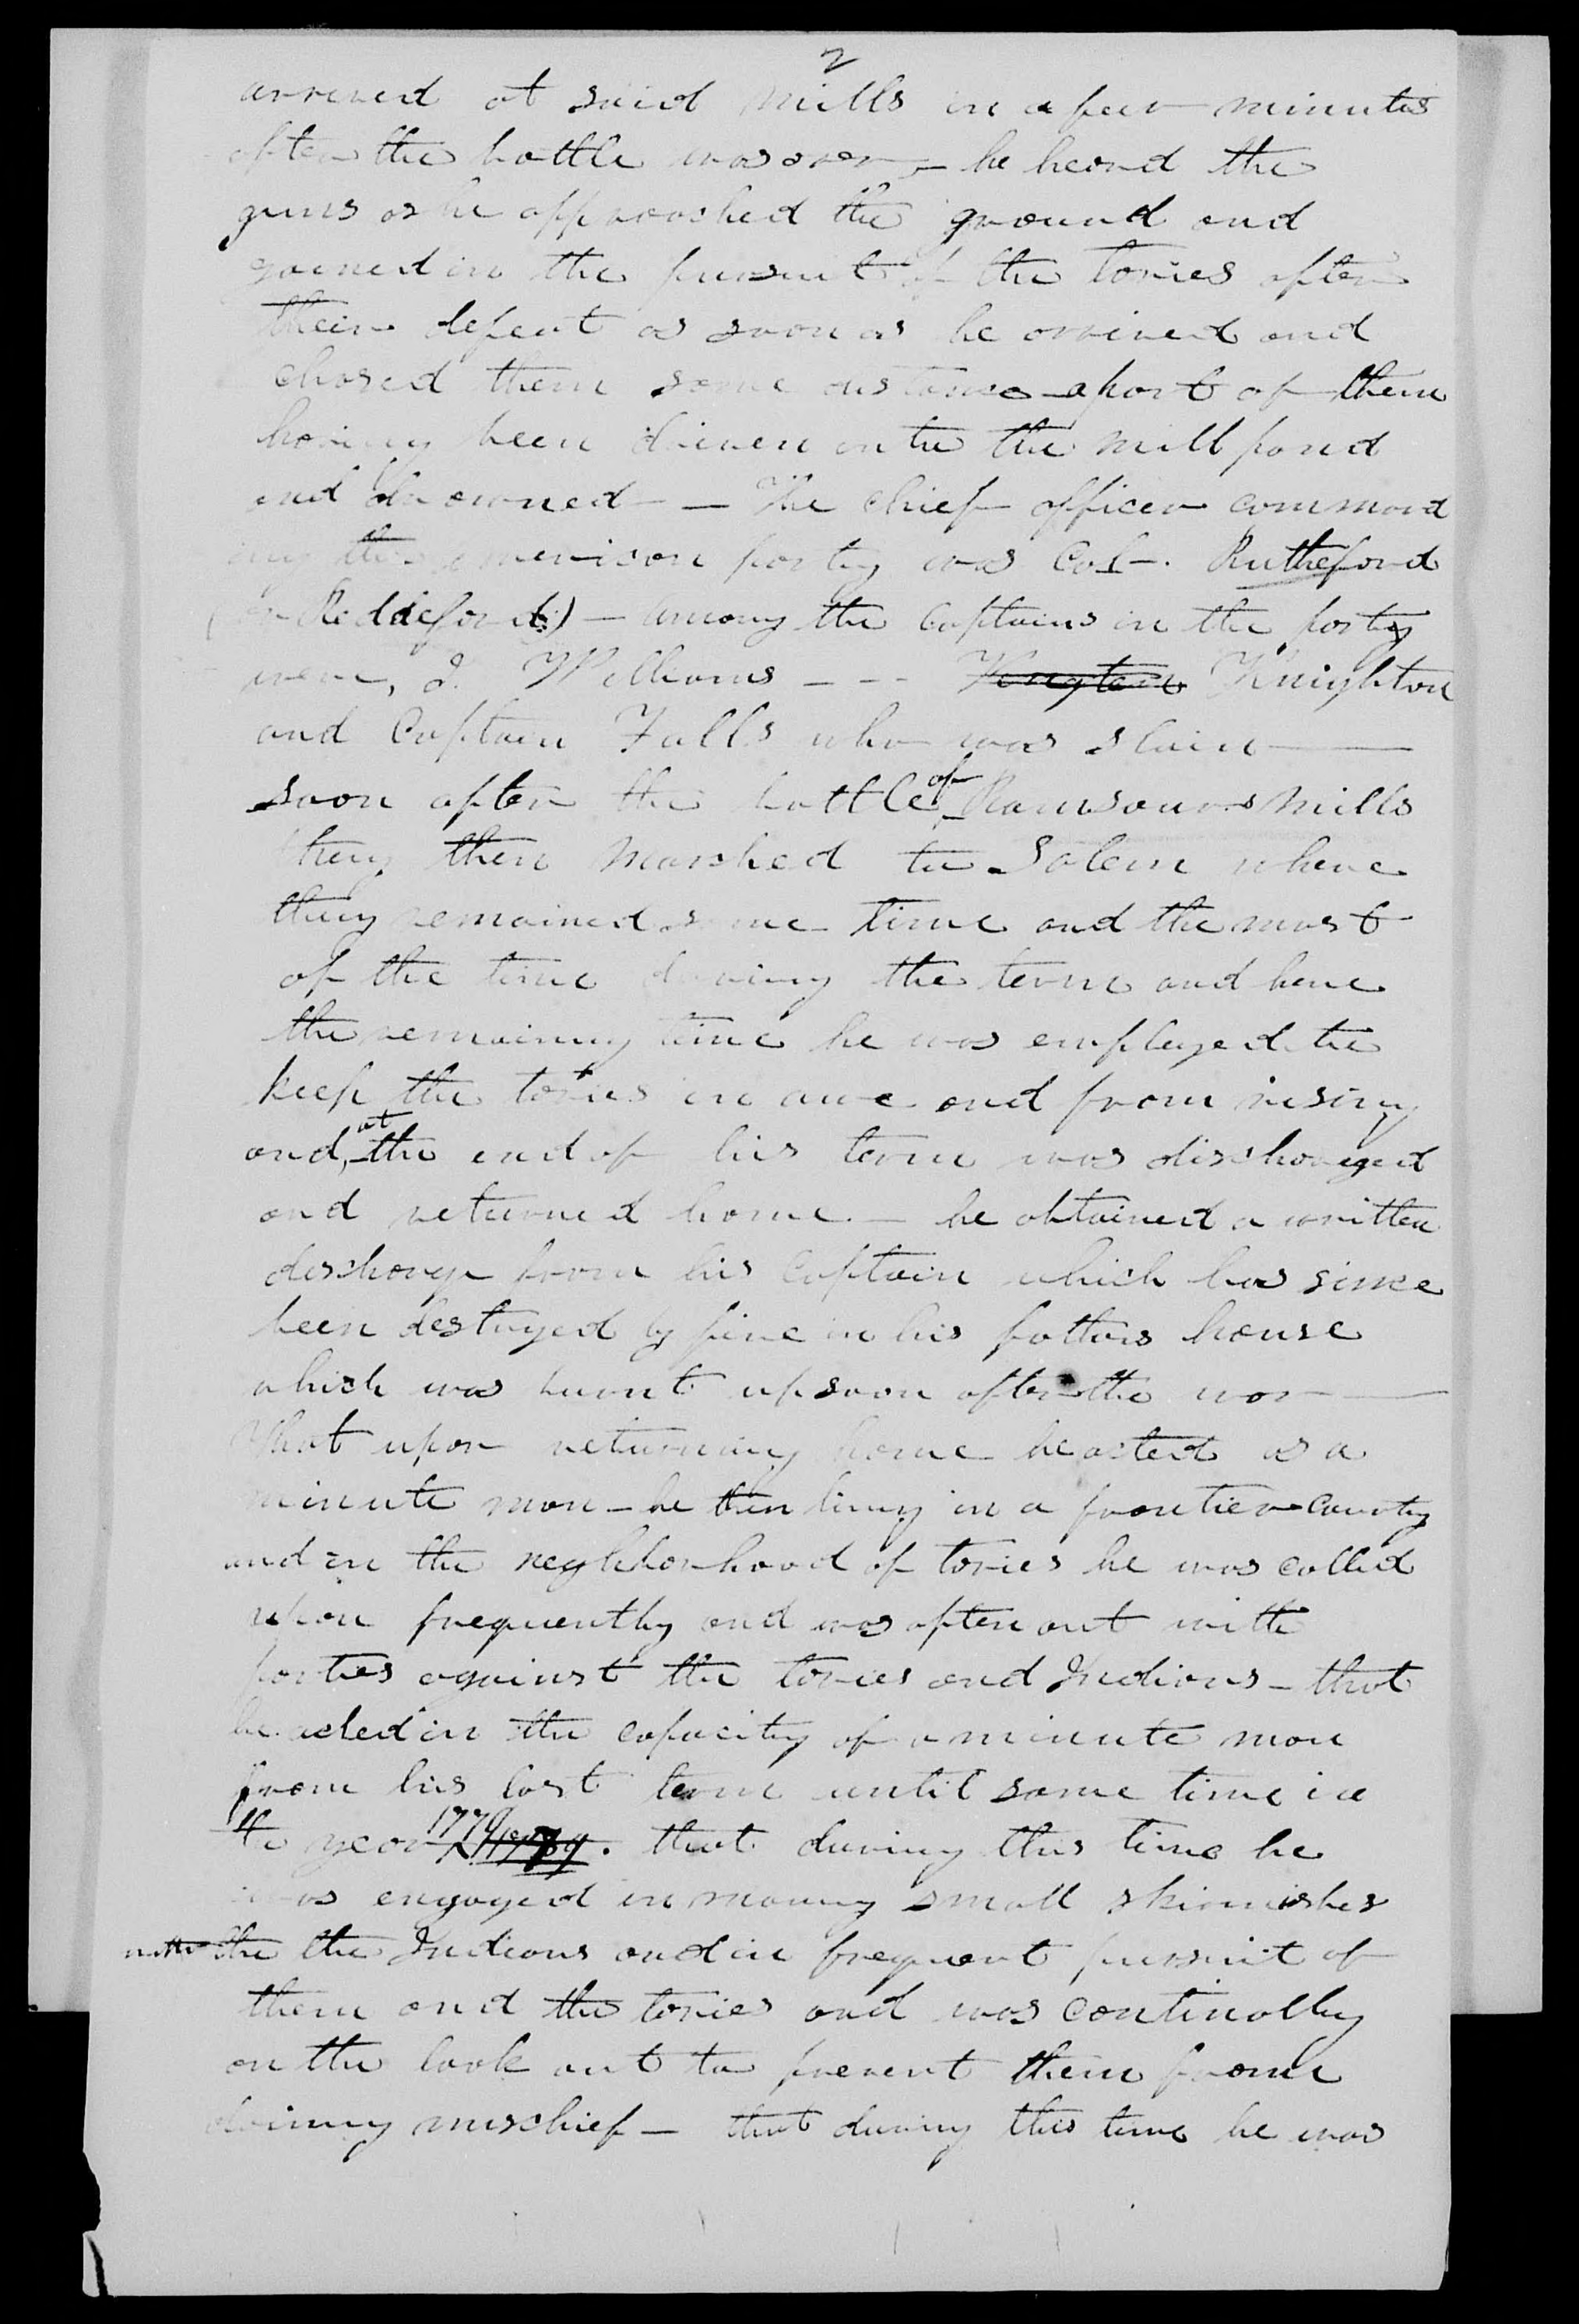2
arrived at said mills in a few minutes after the battle was over, he heard the guns as he approached the ground and joined in the pursuit of the tories after their defeat as soon as he arrived and chased them some distance apart of their having been driven [illegible on to] the mill forest and [illegible pond and owned]-- The chief officer command [illegible in the emersion] party was Col. Rutheford [illegible (Riddefort) - among the Captains in the party were, I. Williams --- [illegible Tony] Knighton and Captain Falls who was slain --- soon after the battle of Ramsours Mills they then marched to Salem where they remained some time and the most of the time living the term and have the remaining time he was employed be keep the tories in awe and from rising and at the end of his term was discharged and returned home-- he obtained a written discharge from his captain which has since been destroyed by fire in his fathers house which was burnt up soon after the war --- that upon returning home he acted as a minute man-- he then [illegible lines] in a frontier County and in the Neighborhood of tories he was called upon frequently and was often out with parties against the tories and [illegible predions]- that he acted in the capacity of a minute man from his last term until some time in the year 1779. that during this time he was engaged in many small skirmishes with the the Indians and in frequent pursuit of them and the tories and was continually on the look out to prevent them from doing mischief-- that during this time he was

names: [BLANK] Falls; [BLANK] Williams; [BLANK] Reddeford; [BLANK] Rutheford; [BLANK] Knighton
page: 16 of 69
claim: widow's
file: W. 10861, for James Patterson, North Carolina